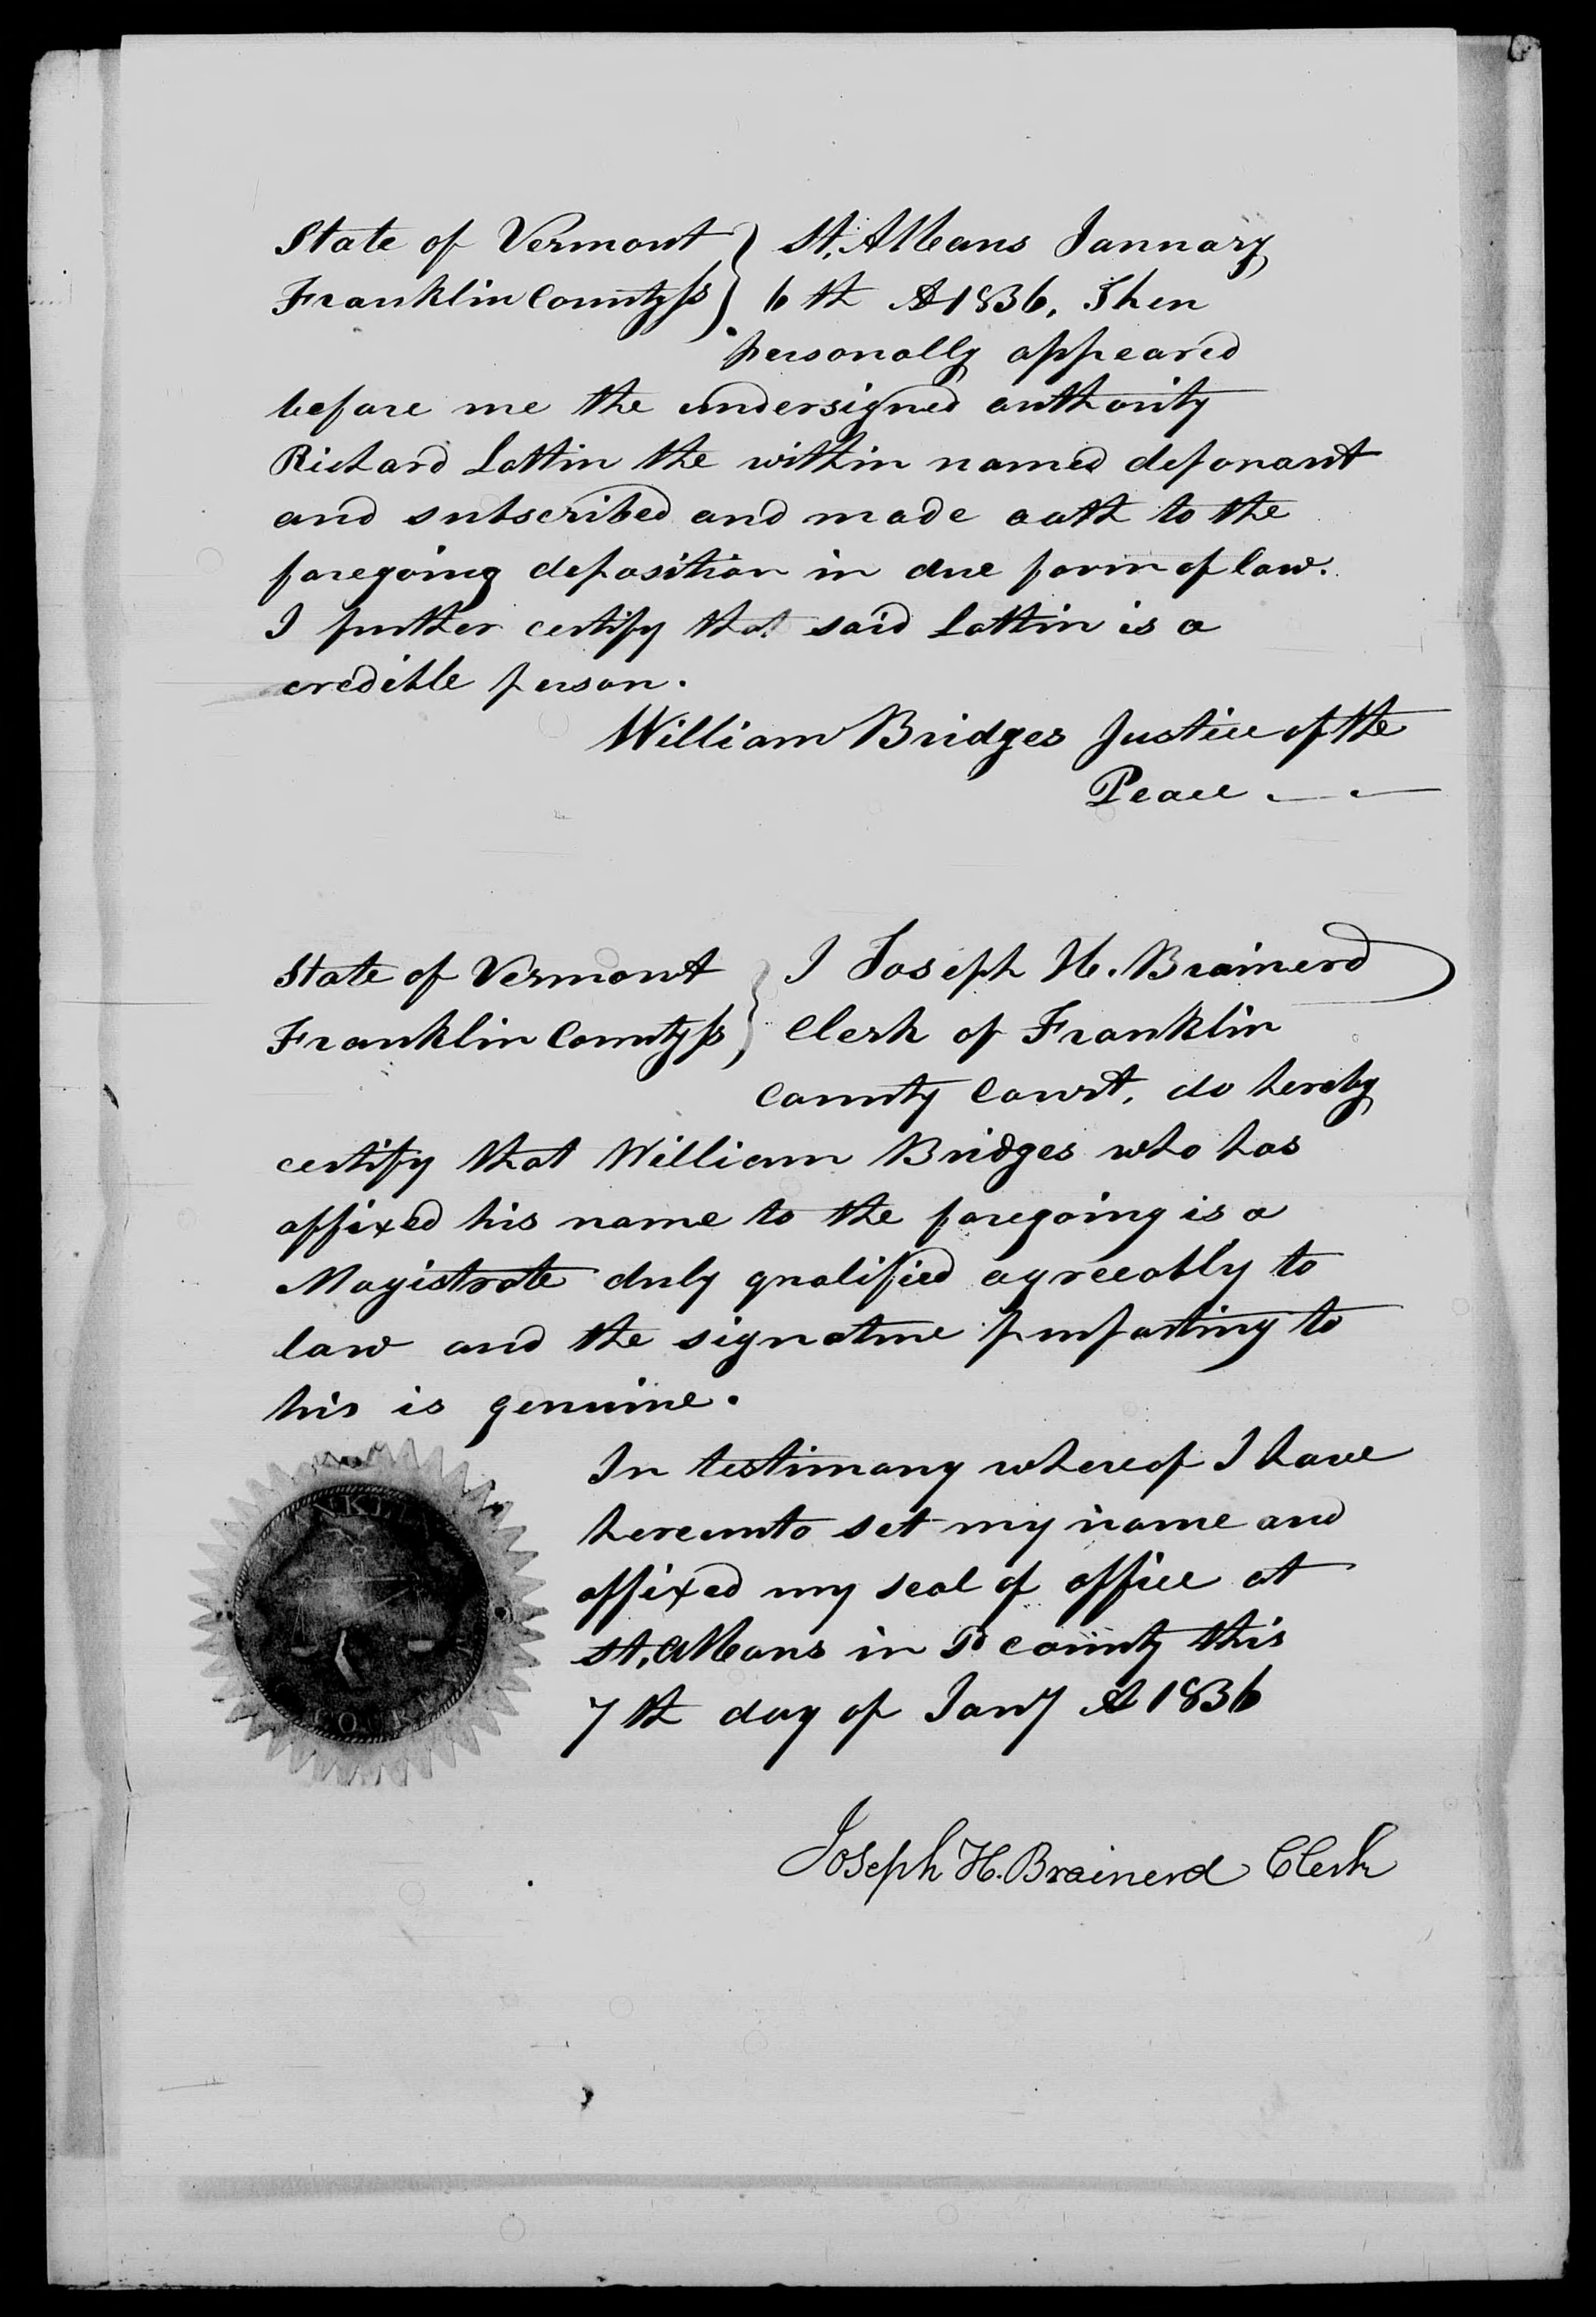State of Vermont   }
Franklin County ss } St. Albans January 6th AD 1836, Then personally appeared before me the undersigned authority Richard Lattin the within named deponant and subscriber and made oath to the foregoing deposition in due form of law.  I further certify the said Lattin is a credible person.
William Bridges Justice of the Peace

State of Vermont   }
Franklin County ss }  I Joseph H. Brainerd clerk of Franklin county court, do hereby certify that William Bridges who has affixed his name to the foregoing is a Magistrate duly qualified agreeably to law and the signature purporting to his is genuine.
In testimony whereof I have hereunto set my name and affixed my seal office at St. Albans in sd county this 7th day of Jany AD 1836
Joseph H. Brainerd Clerk

[seal]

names: Richard Lattin; Joseph H Brainerd; William Bridges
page: 99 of 99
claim: widow's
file: W. 24,482, for Richard Lattin, Vermont